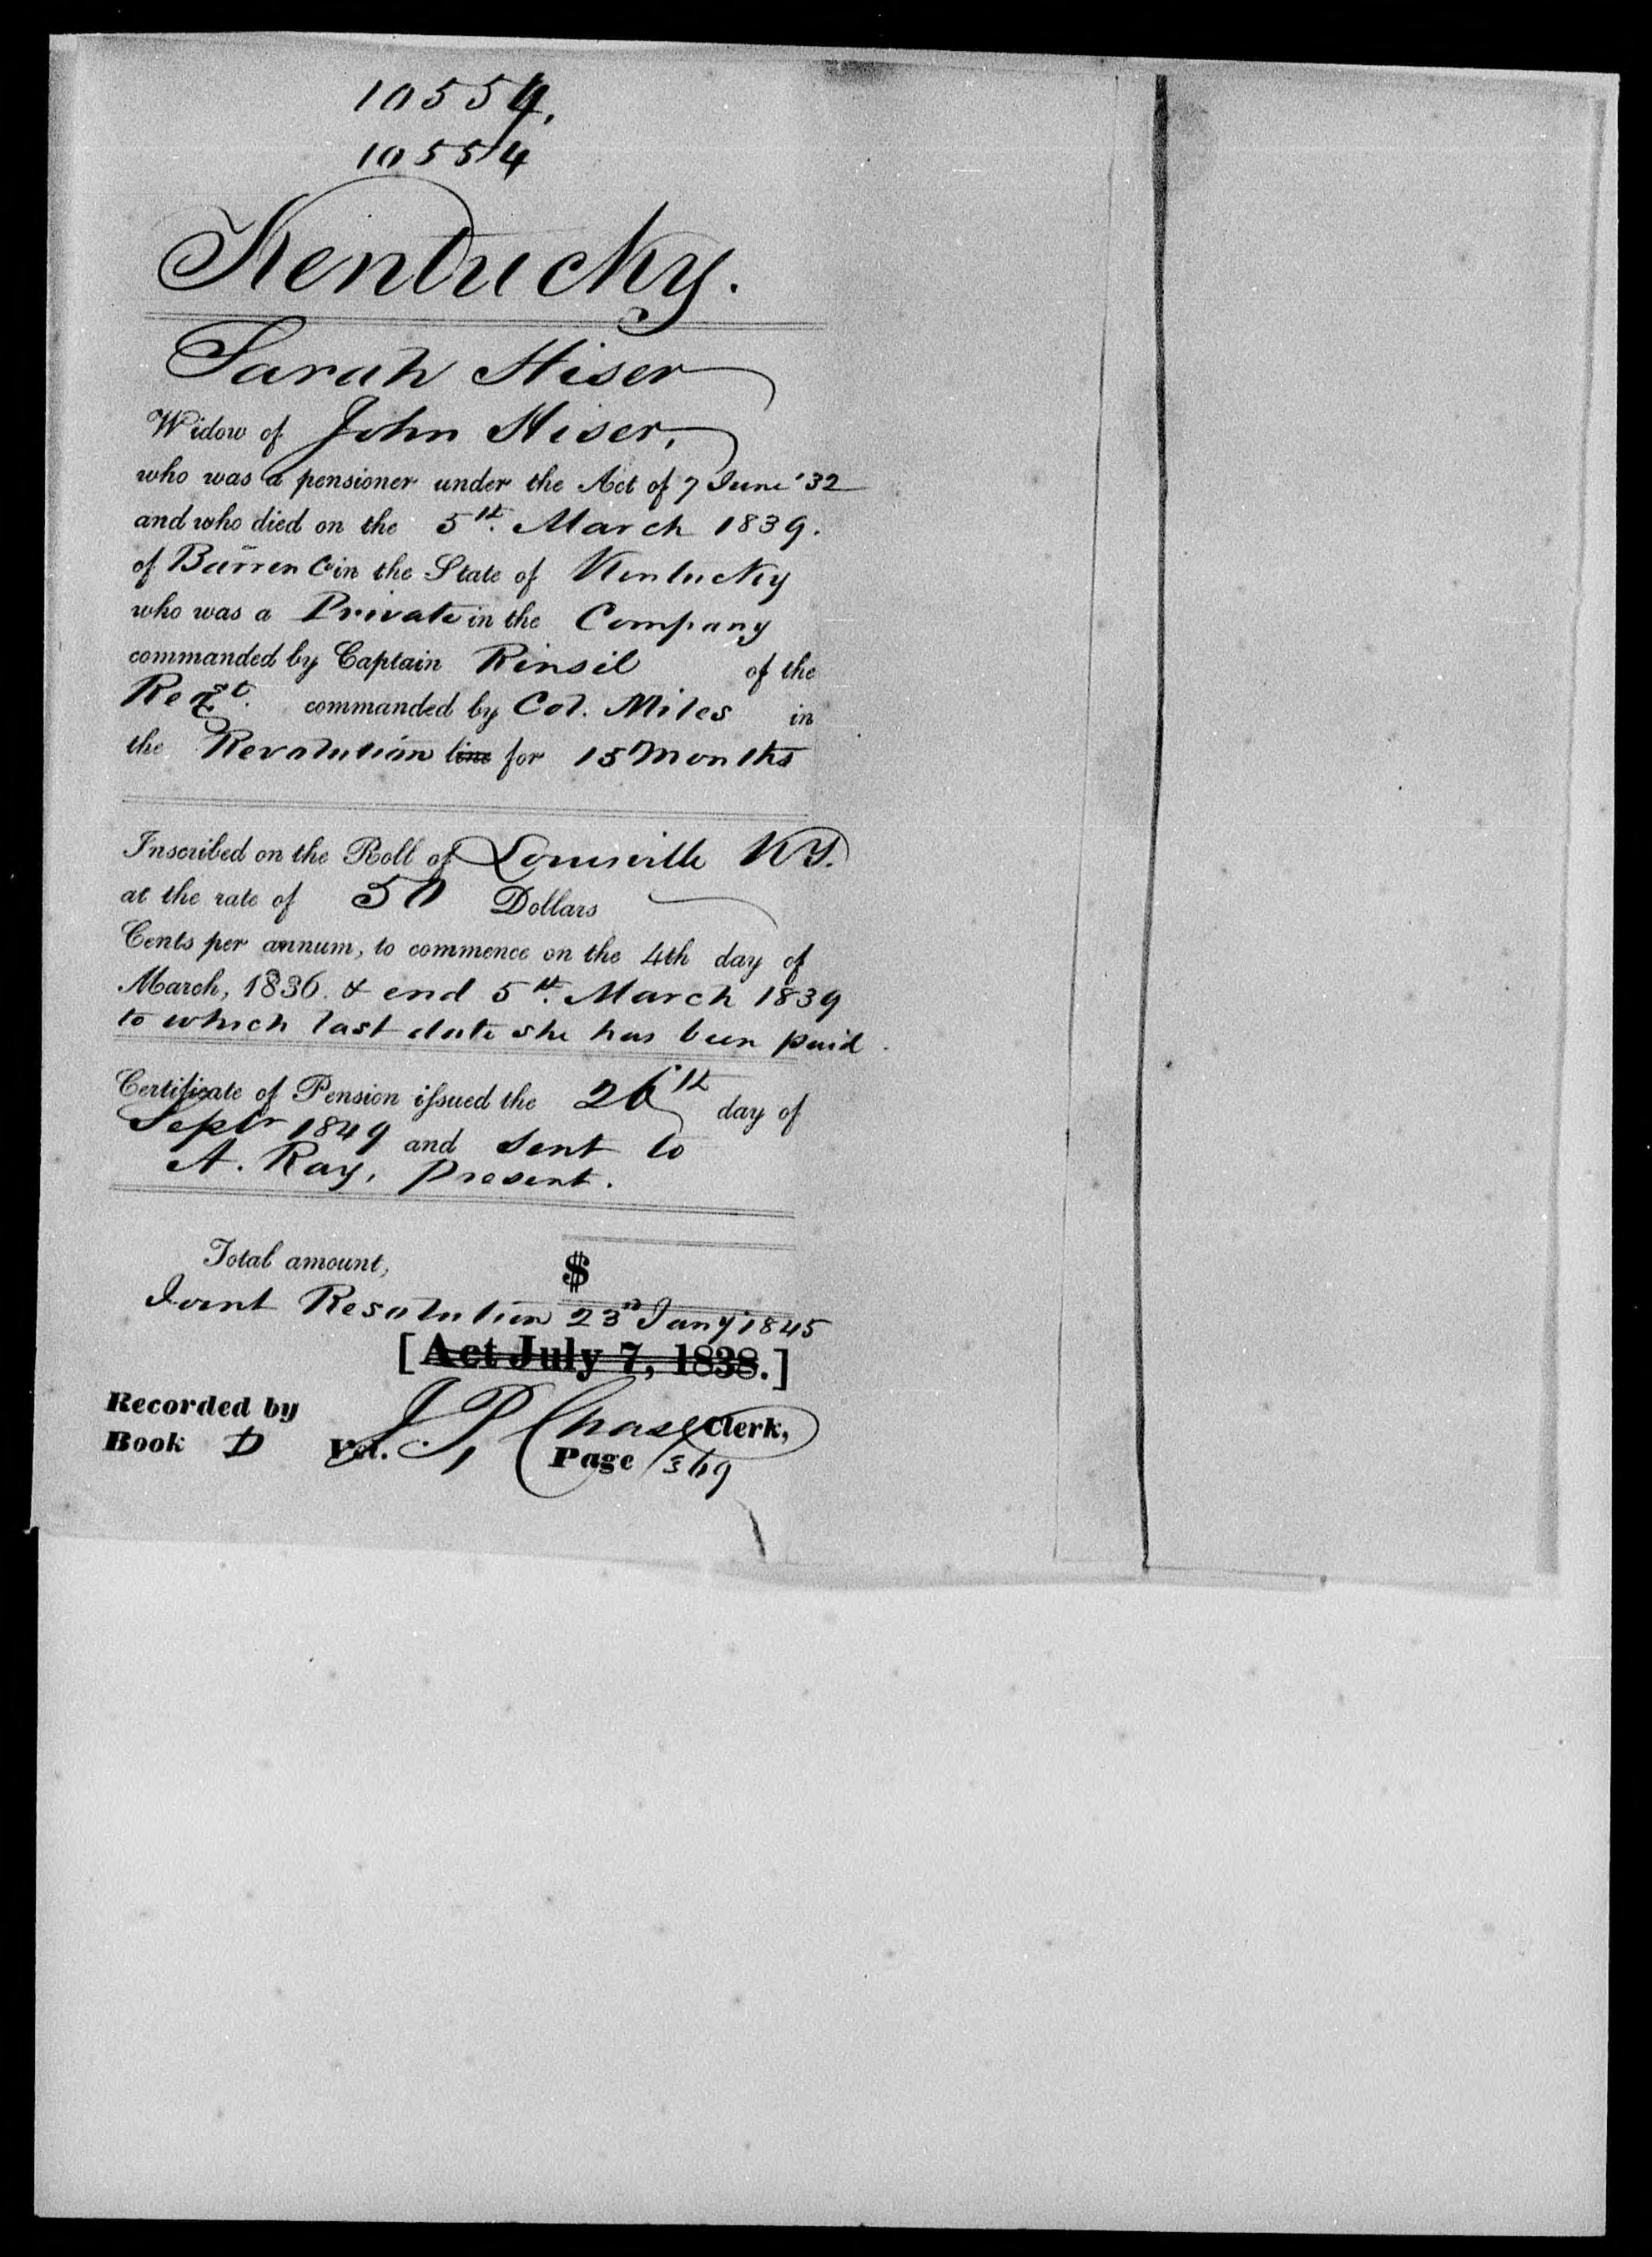10554
10554
Kentucky
Sarah Hiser
Widow of John Hiser,
who was a pensioner under the Act of 7 June '32
and who died on the 5th March 1839.
of Barren Co in the State of Kentucky
who was a Private in the Company
commanded by Captain Rinsil of the
Regt commanded by Col. Miles in
the Revolution for 15 months

Inscribed on the Roll of Louisville KY.
at the rate of 50 Dollars --
Cents per annum, to commence on the 4th day
March, 1836 & end 5th March 1839
to which last date she has been paid.
Certificate of Pension issued the 26th day of
Sept 1849 and sent to
A. Ray, Present
Recorded by
Book D
Total amount
Joint Resolution 23 Jany 1845
[crossed out (Act July 7, 1838.)]
 Recorded by JP Chase clerk
Book D  Vol. 1  Page 369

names: A Ray, Rinsil, J P Chase, John Hiser, Miles, Sarah Hiser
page: 14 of 58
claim: widow's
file: W. 8932, John Hiser, Penn.